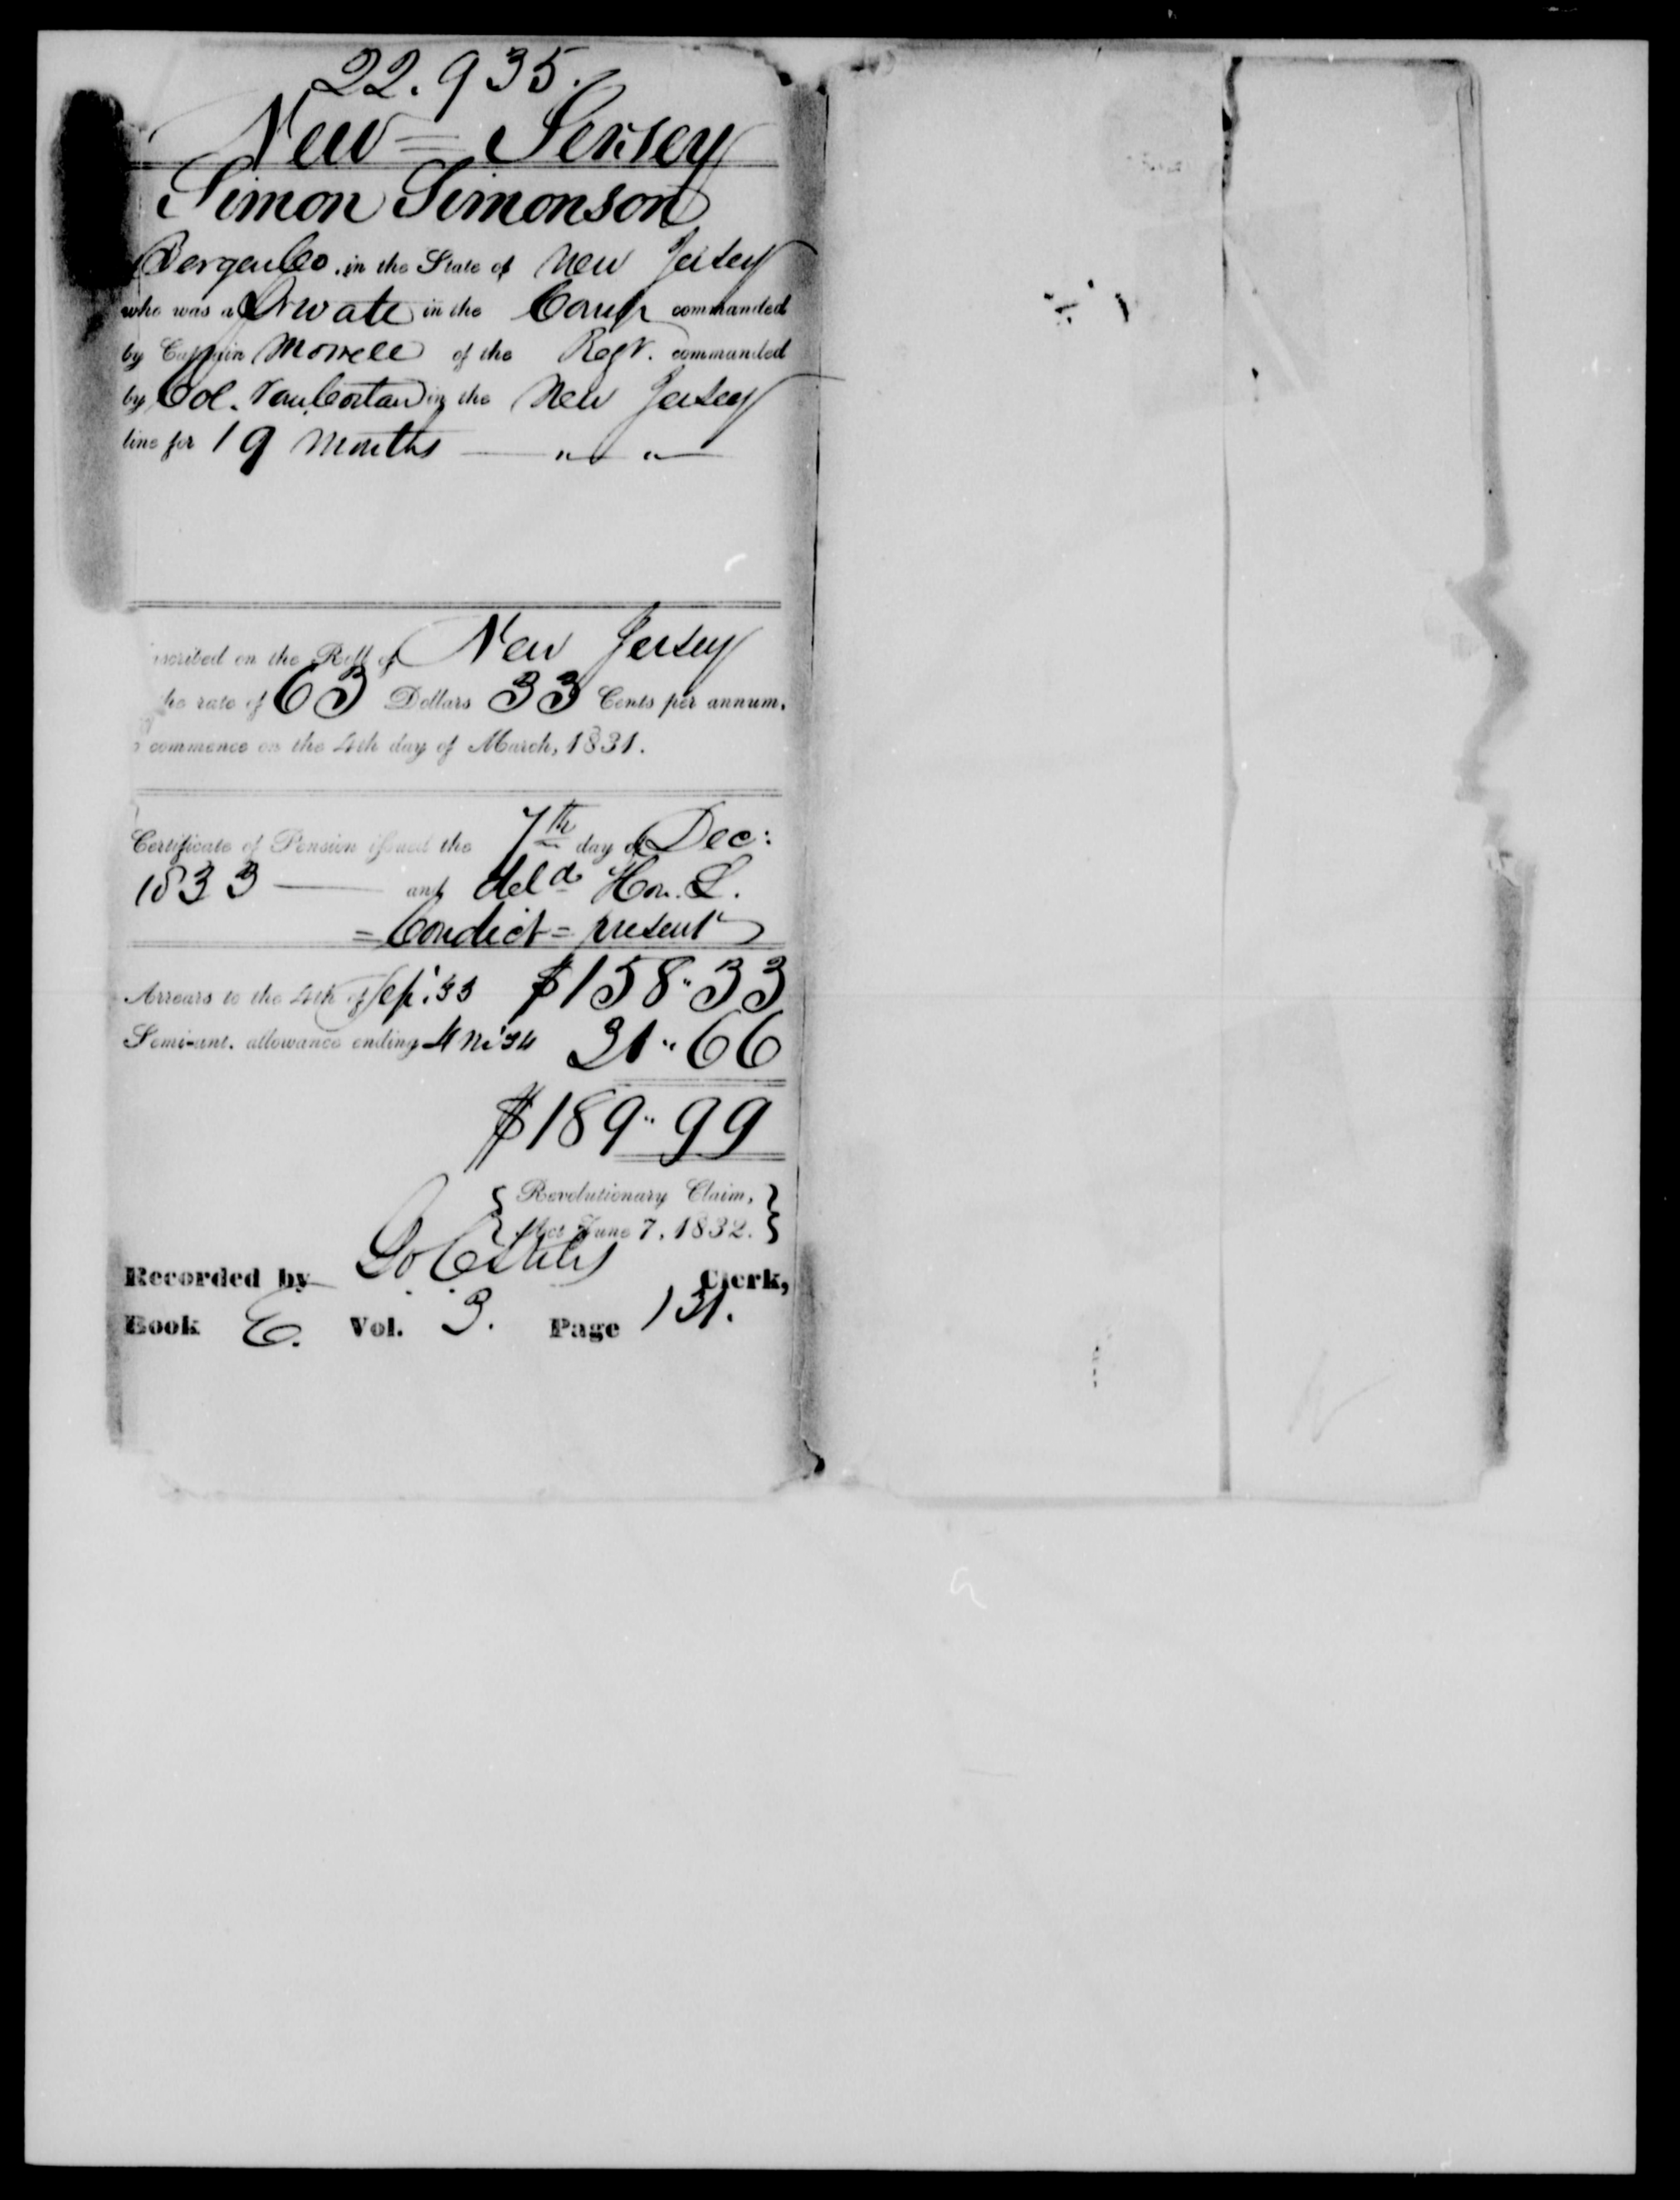22.935
New Jersey
----------------------
Simon Simonson
Bergen Co. in the State of New Jersey
who was a Private in the Comp commanded
by Captain Morrell of the Regt. commanded
by Col. Van Cortan in the New Jersey
line for 19 months --------------
----------------------------------
Subscribed on the New Jersey
at the rate of 66 Dollars 33 Cents per annum
to commence on the 4th day of March, 1831.
-----------------------------------
Certificate of Pension issued the 7th day of Dec. 1833 --- and deld.  Hon. L. Condict Present
-----------------------------------
Arrears to the 4th Sep. '33               $158.33
Semi-anl. allowance ending 4 M '34    21.66
                                                             _______
                                                              $189.99
                                                             ________
{Revolutionary Claim,}
{Act June 7. 1832.    }

Recorded by G.C. Stiles Clerk,
Book E.  Vol. 3.    Page 131.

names: Simon Simonson; [BLANK] Mowell; L Condict; Go C Stiles; [BLANK] Van Cortan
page: 2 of 30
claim: survivor's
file: S. 1104, for Simon Simonson, New Jersey